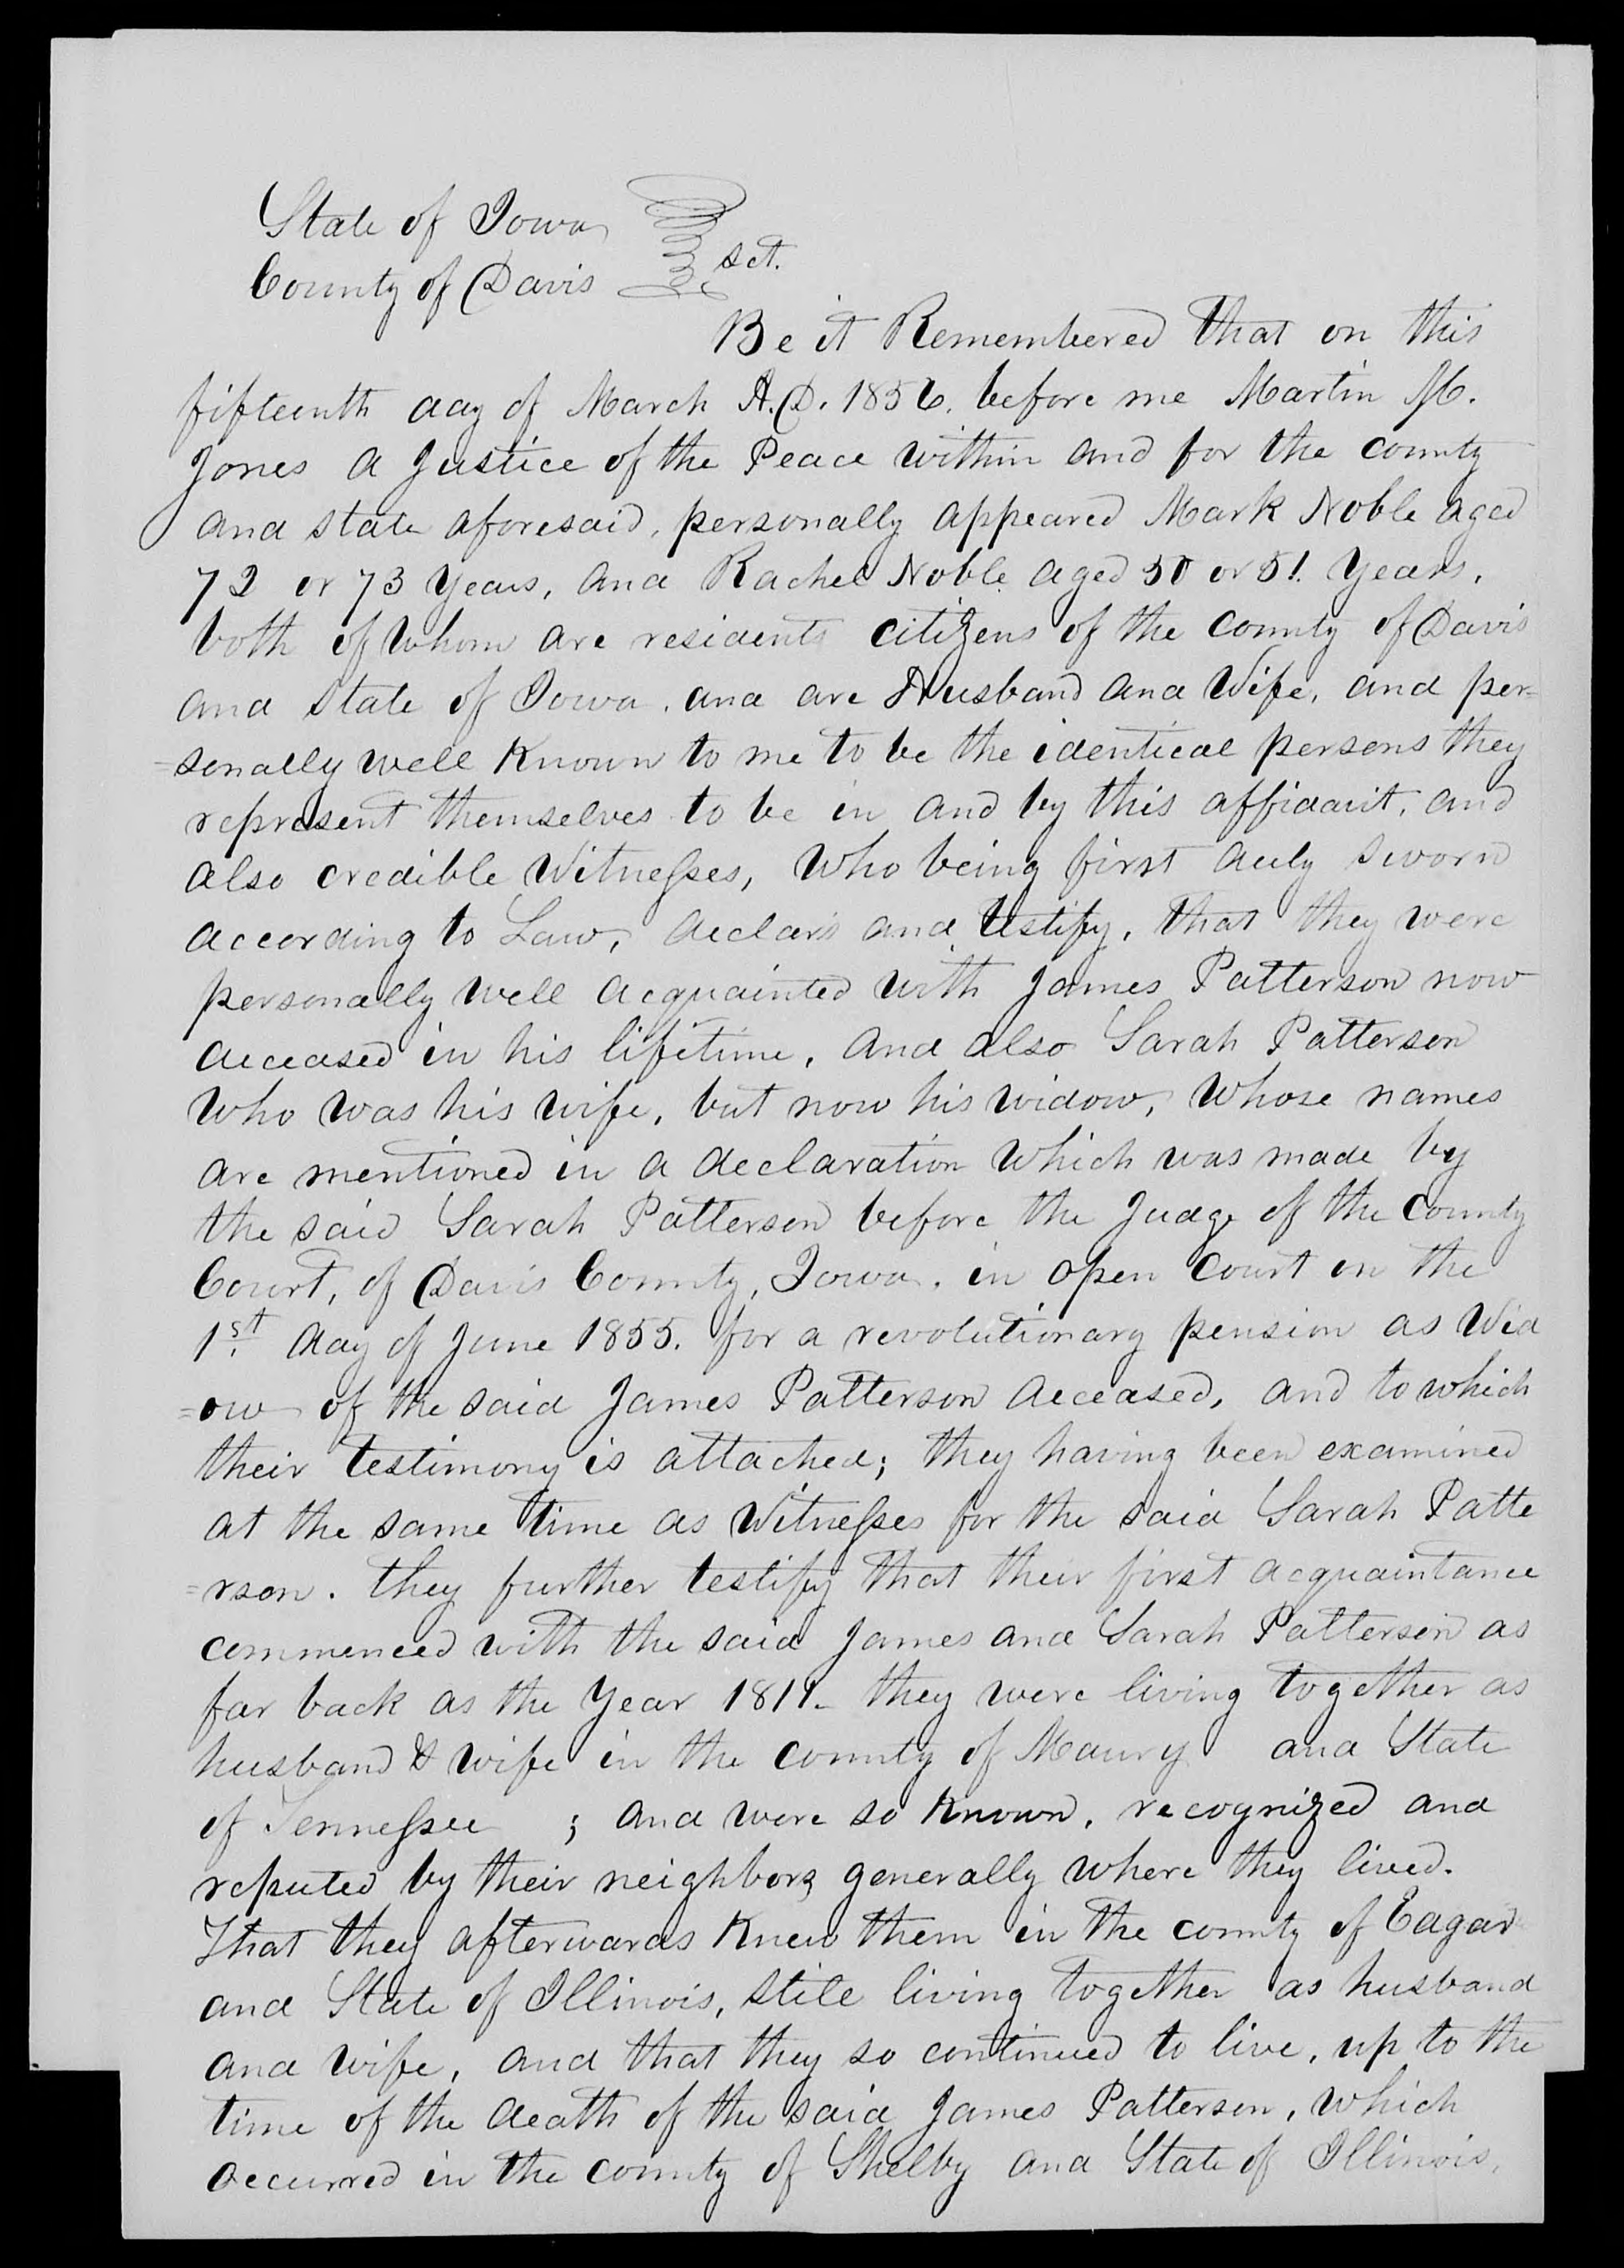State of Iowa }
County of Davis } Act.
Be it Remembered that on this fifteenth day of March A.D. 1856. before me Martin M. Jones a Justice of the Peace within and for the County and State aforesaid, personally appeared Mark Noble aged 72 or 73 years, and Rachel Noble aged 50 or 51 years both of whom are resident citizens of the County of Davis and State of Iowa and are husband and wife, and personally well known to me to be the identical persons they represent themselves to be in and by this affidavit, and also credible witnesses, who being first duly sworn according to law, declares and testify, that they were personally well acquainted with James Patterson now deceased in his lifetime, and also Sarah Patterson who was his wife, but now his widow, whose names are mentioned in a declaration which was made by the said Sarah Patterson before the Judge of the County Court, of Davis County, Iowa, in open Court on the 1st day of June 1855, for a revolutionary pension as widow of the said James Patterson deceased, and to which their testimony is attached; they having been examined at the same time as Witnesses for the said Sarah Patterson, they further testify that their first acquaintance commenced with the said James and Sarah Patterson as far back as the year 1811, they were living together as husband & wife in the County of Maury and State of Tennessee; and were so known, recognized and reputed by their neighbors generally where they lived that they afterwards knew them in the County of Edgar and State of Illinois, still living together as husband and wife, and that they so continued to live up to the time of the death of the said James Patterson, which occurred in the County of Shelby and State of Illinois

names: Sarah Patterson; Martin M Jones; Rachel Noble; Mark Noble; James Patterson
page: 55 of 69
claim: widow's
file: W. 10861, for James Patterson, North Carolina